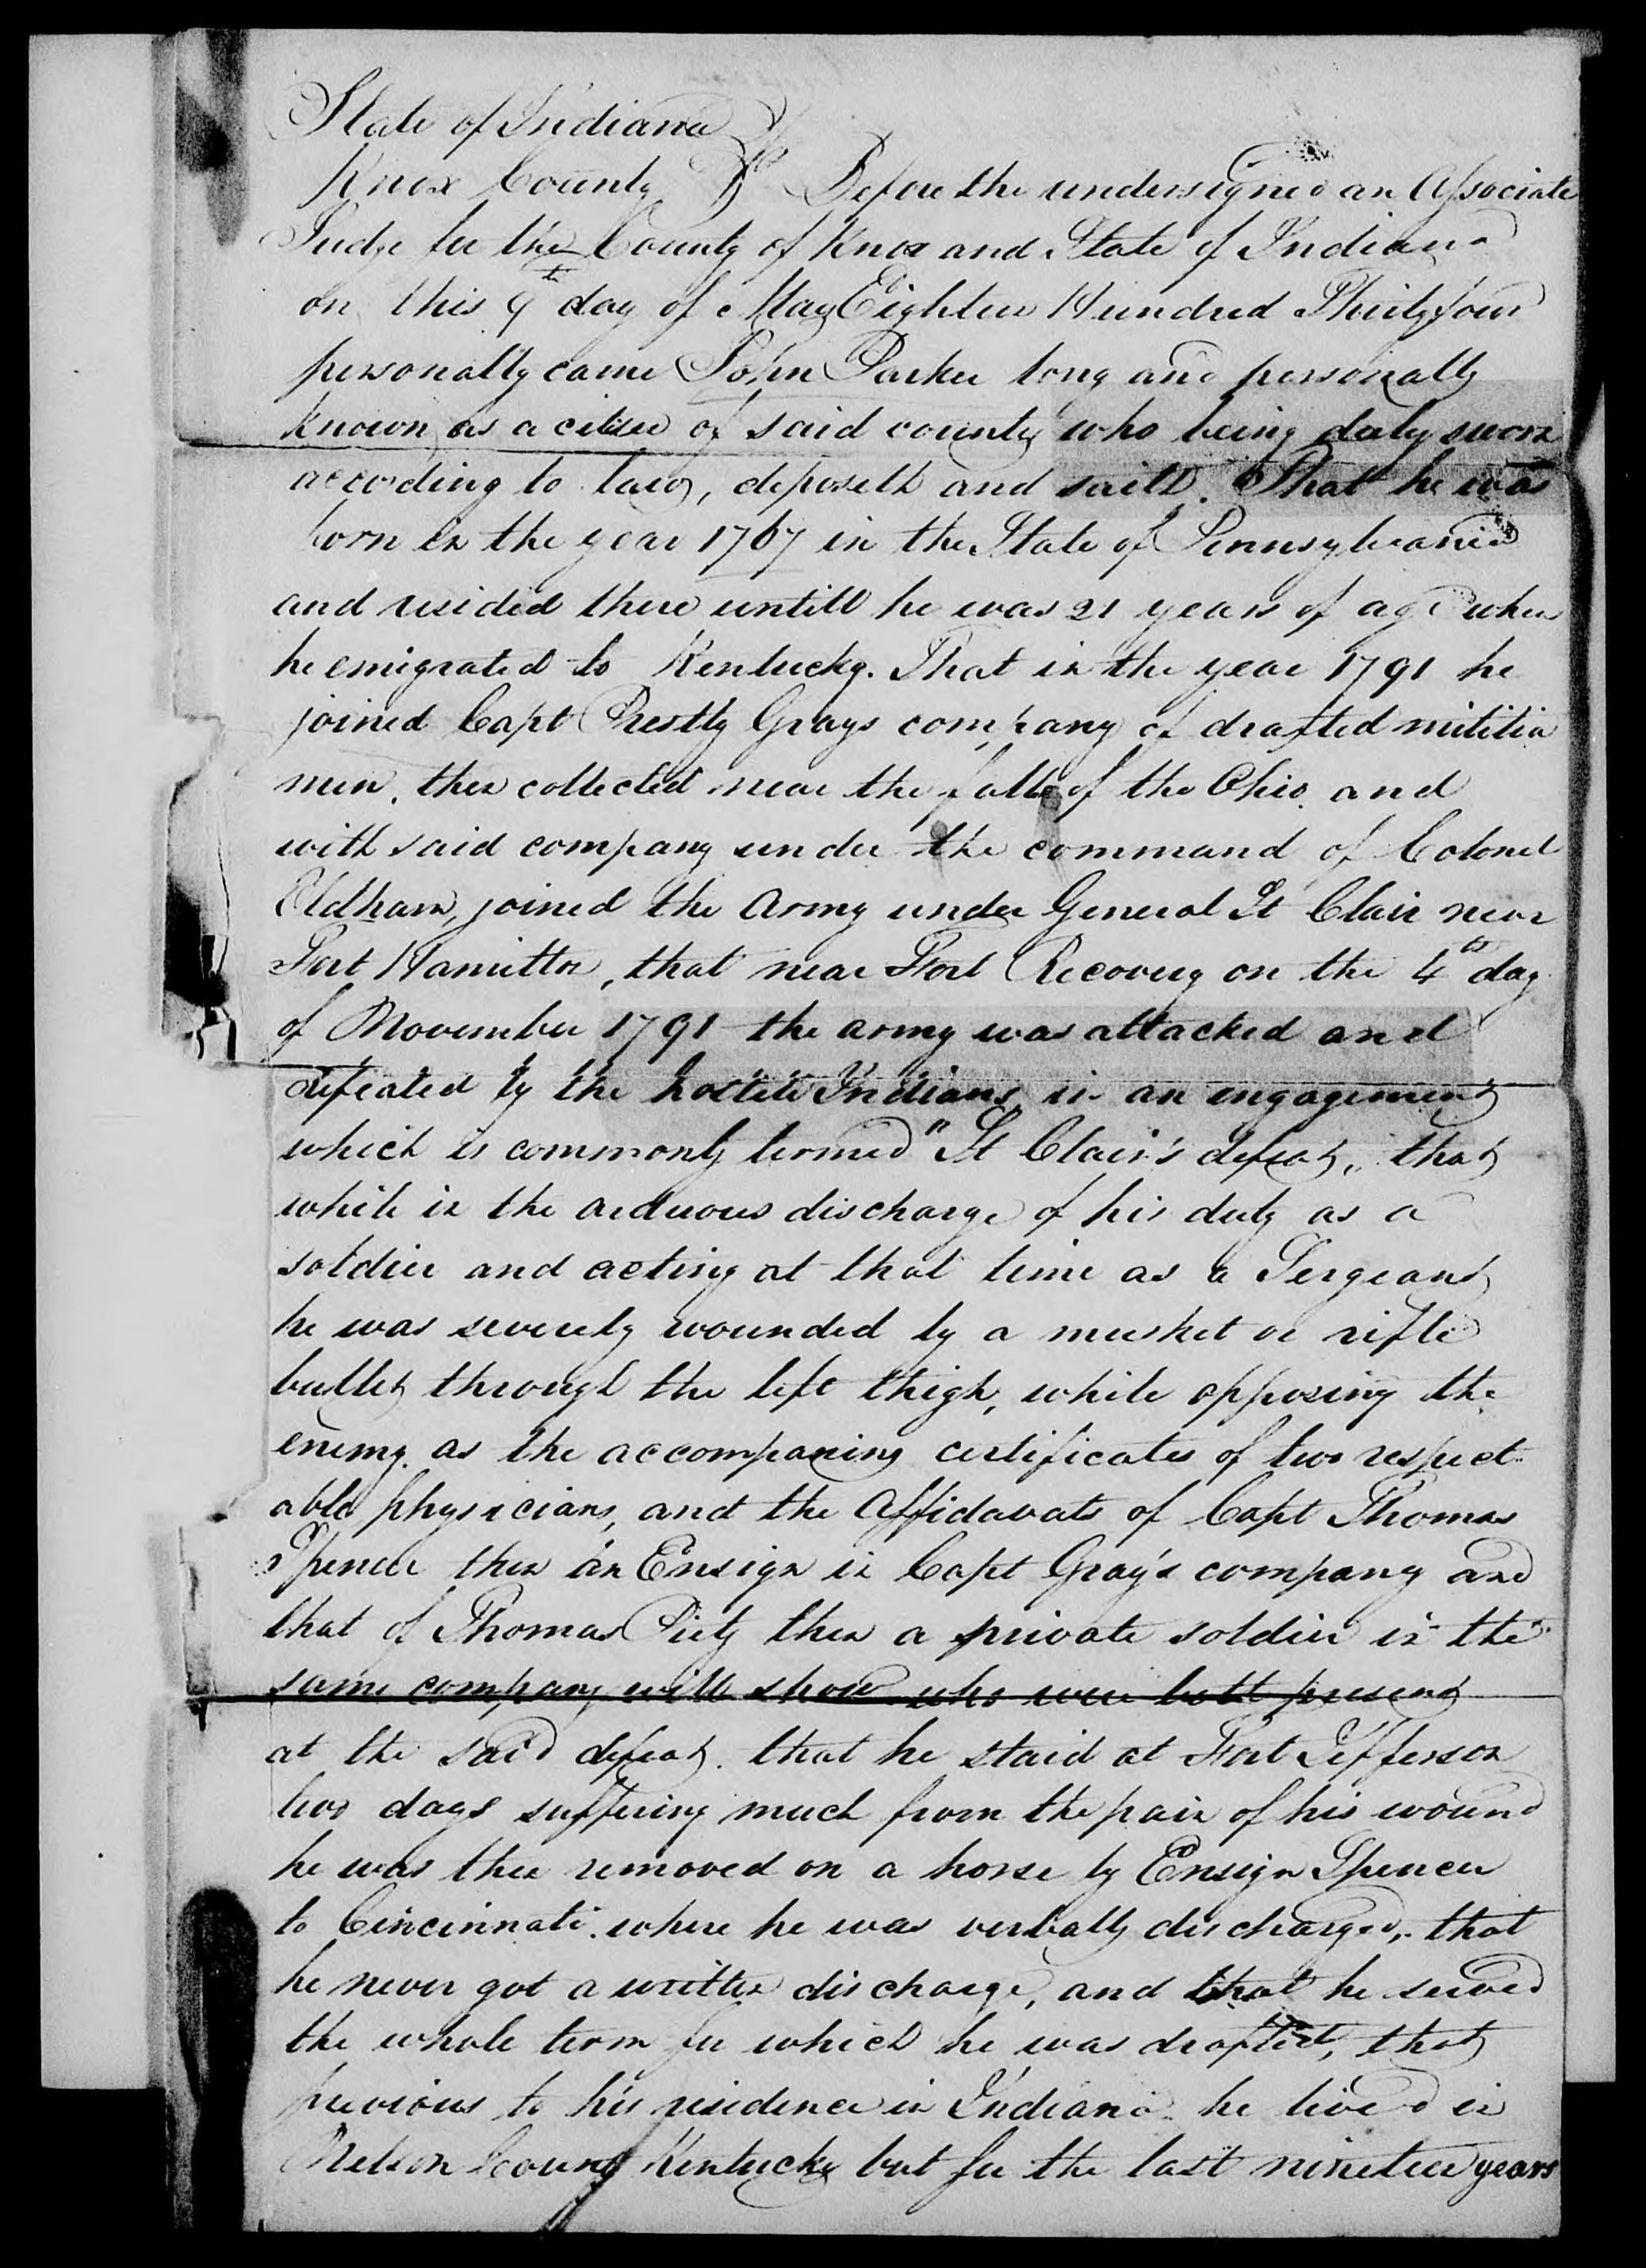State of Indiana

Knox County

Before the undersigned an Associate Judge to the County of Knox and State of Indiana on this 9th day of May Eighteen Hundred Thirty Four personally came John Parker long and personally known a citizen of said county who having duly sworn according to law, commeth and vaill that he was born in the year 1767 in the State of Pennsylvania and resided there untill he was 21 years of age when he emigrated to Kentucky. That in the year 1791 he joined Capt Prestly Grays company of drafted militia men, then collected men the Valley of the Ohio and with said company under the command of Colonel Oldham joined the Army under General St Clair near Port Hannittor, that near Port Recovery on the 4th day of November 1791 the army was attacked and defeated by the hatted Indians in an engagement which is commonly termed "St Clair's defeat", that which in the arduous discharge of his duty as a soldier and acting at that time as a Sergeant he was severely wounded by a musket or rifle bullet through the lite thigh, while opposing the enemy as the accompaning certificate of two redjuet abled physicians, and the Affidavats of Capt Thomas opened then an Ensign in Capt Gray's company and that of Thomas Piety then a private soldier in the same company with them who was seen both present at the said defeat. that he staid at Port Jefferson has dags suffering much from the pain of his wound he was then removed on a horse by Ensign Thomas to Cincinatti where he was verbally discharged, that he never got a written discharge, and that he served the whole term in which he was drafted, that he huvious to his residence in Indiana that he lived in Nelson County Kentucky but for the last nineteen years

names: [BLANK] St Clair; Thomas Piety; [BLANK] Oldham; John Parker; Thomas Spencer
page: 4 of 21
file: Old War Inv. File 26332, for John Parker, Other